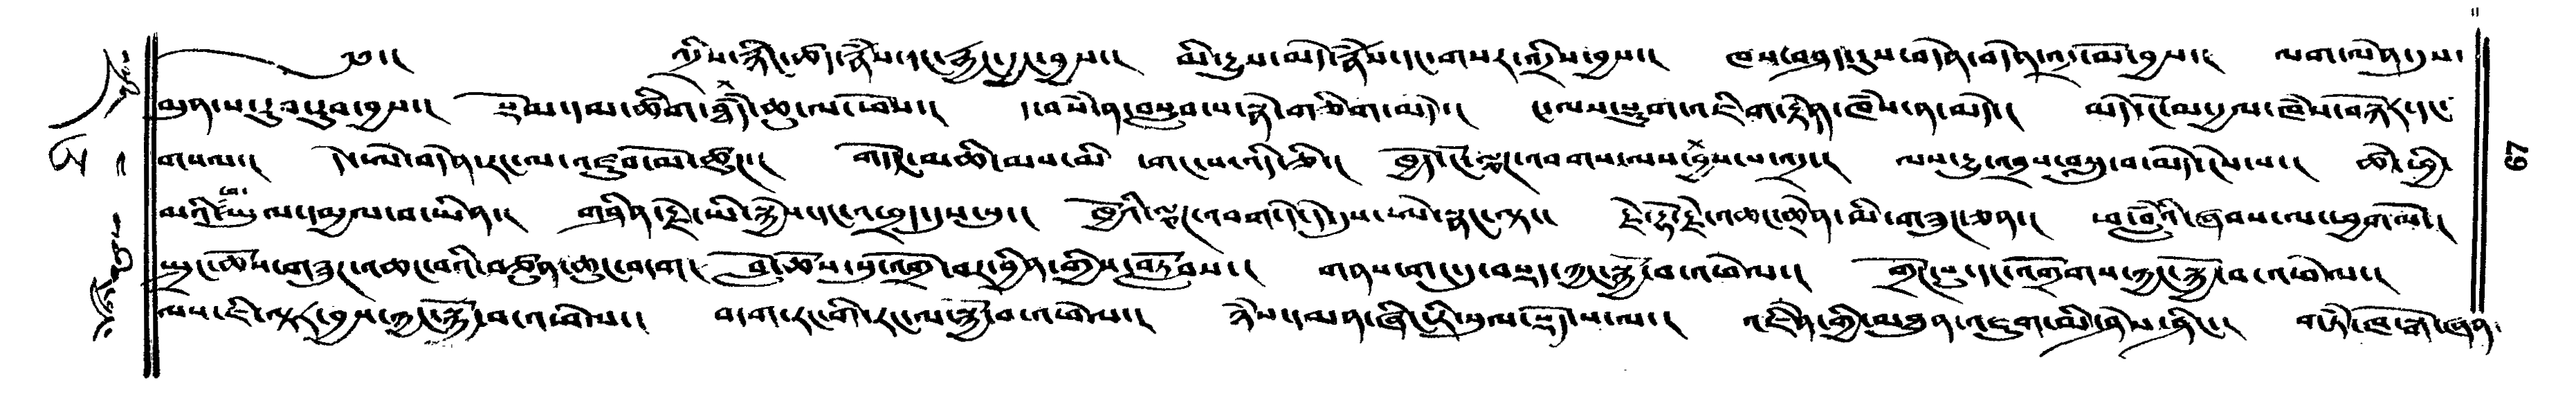།འདྲིས་རྙིང་ཚད་རྣམས་དང་རྒྱང་རྒྱང་བྱས། །མི་རྒྱུས་མེད་རྣམས་དང་གསར་འདྲིས་བྱས། ཁས་བཤད་དུས་བདེན་བདེན་འདྲ་མོ་བྱས། །ལག་ལེན་དུས་
མུན་པ་རུབ་རུབ་བྱས། །སྡོམ་དམ་ཚིག་ཐམས་ཅད་ཆུ་ལ་འཕོས། །ད་བསམ་ན་བསླབ་པ་སྣེ་གཅིག་མེད། །ང་ལས་སྡུག་འཇིག་རྟེན་ཁམས་ན་མེད། །མེད་ངོ་མ་རྒྱལ་ཁམས་བསྐོར་དང་
གསལ། །དེ་ཨེ་བདེན་རང་ལ་མཛུབ་མོ་ཚུགས། །གདོང་མཆི་མས་མི་གང་པ་འདི་ཅི། ཁྱོད་ངོ་ལྕགས་འབག་ལས་བྱས་པ་འདྲ། །ལས་རྒྱུ་འབྲས་བསླུ་བ་མེད་ངེས་པ། །ཚེ་ཕྱི་
མའི་ཕ་ཡུལ་དམྱལ་བ་ཡིན། །གཤིན་རྗེ་ཡི་སྐྱེས་དང་འཕྲད་དུས་སུ། ཁྱོའི་ལྕགས་འབག་དེ་དེ་དུས་ཨེ་སྣང་ལྟ། །རྗེ་རྡོ་རྗེ་འཆང་ཆེན་མི་གཟུགས་ཅན། །ཕ་བླ་མའི་ཞབས་ལ་ཕྱག་འཚལ་ལོ། །
སྤྲང་ཆོས་གཟུགས་འཆང་བའི་བཙུན་ཆུང་བདག །བློ་ཆོས་སུ་འགྲོ་བར་བྱིན་གྱིས་རློབས། །གནས་གང་དུ་བསྡད་ཀྱང་སྐྱོ་བ་འཕེལ། །གྲོགས་སུ་དང་འགྲོགས་ཀྱང་སྐྱོ་བ་འཕེལ། །
ལས་ཇི་ལྟར་བྱས་ཀྱང་སྐྱོ་བ་འཕེལ། །བདག་རང་གི་རང་ལ་སྐྱོ་བ་འཕེལ། །ཉམས་དམན་ཞིང་རི་སུལ་སྡོད་པ་ལ། །འཇིག་རྟེན་གྱི་མཐུན་འཇུག་མི་ཤེས་ཤིང་། །གཏམ་ཁ་སྒོ་ཞན་